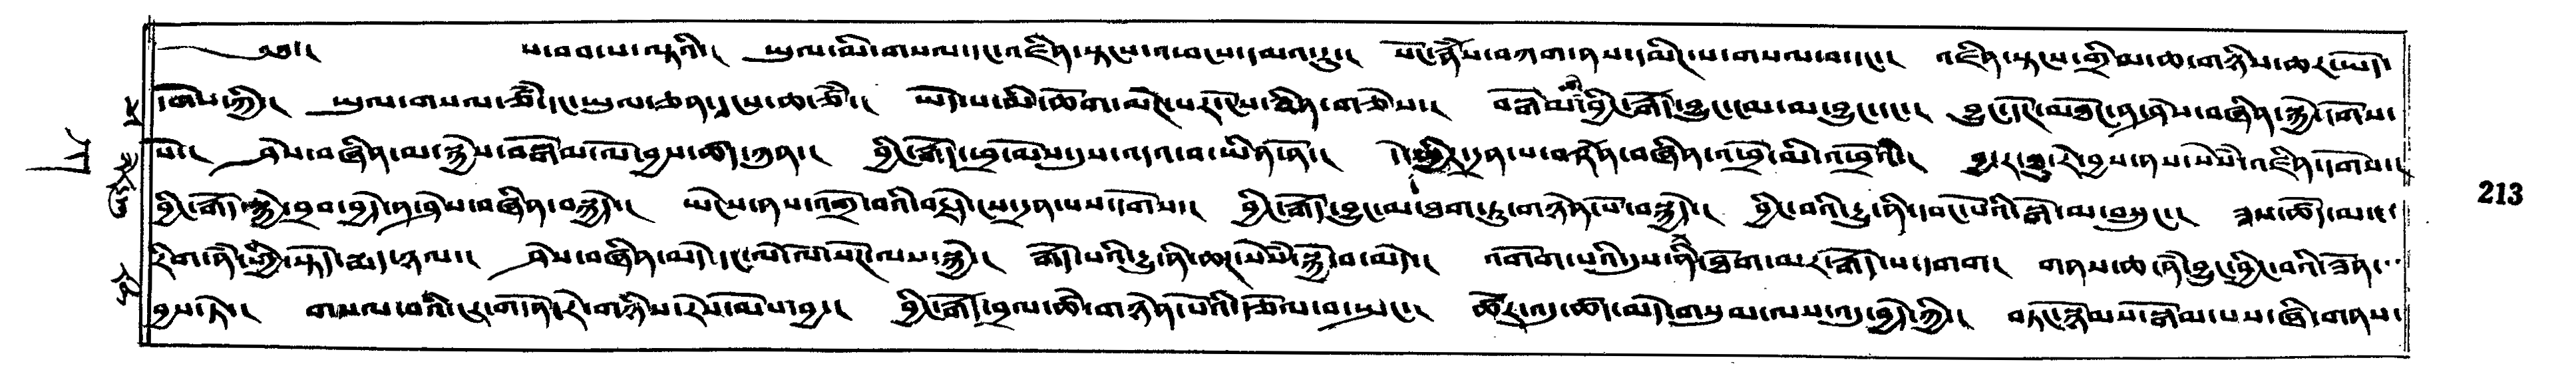པ་བབ་པ་ལྟའི། །ཡུལ་མི་གསལ་དང་འཛིན་སྟངས་འཕངས་དམའ་རུ། །སོང་རྣམས་བཀག་ནས་དམིགས་པ་གསལ་བ་དང་། །འཛིན་སྟངས་གྲིམ་ཆ་གཉིས་ཆར་ཡོད་
དགོས་ཀྱི། །ཡུལ་གསལ་ཙམ་དང་ཡུལ་ཅན་དྭངས་ཆ་ཙམ། །ཡོད་པས་མི་ཆོག་ལེགས་པར་ངོས་ཟིན་གཅེས། །བསྒོམ་ཚེ་བྱིང་རྒོད་བྱུང་ངམ་མ་བྱུང་དང་། །བྱུང་དོགས་མཐོང་ན་ཤེས་བཞིན་སྐྱེ་དགོས་
སོ། །ཤེས་བཞིན་མ་སྐྱེས་བསྒོམ་ལོ་བྱས་ཚད་ཀུན། །བྱིང་རྒོད་ཕྲ་མོས་དུས་འདའ་བ་ཡིན་ནོ། །དེ་ཕྱིར་དྲན་པ་བརྟེན་བཞིན་འཕྲོ་མི་འཕྲོའི། །བྱ་ར་ཐུན་རེ་བྱས་ནས་སེམས་འཛིན་དགོས། །
བྱིང་རྒོད་སྐྱེ་བྲབས་བྱེད་ན་ཤེས་བཞིན་བསྐྱེད། །ཡེངས་ནས་འགྲོ་བའི་བརྗེད་ངས་དྲན་པས་གསོས། །བྱིང་རྒོད་བྱུང་མ་ཐག་ཏུ་གཉེན་པོ་བསྐྱེད། །བྱིང་བའི་རྒྱུ་ནི་དབང་པོའི་སྒོ་མ་བསྲུངས། །ཟས་ཚོད་མ་
རིག་ནམ་གྱི་སྟོད་སྨད་ཉལ། །ཤེས་བཞིན་མེད་དང་ལེ་ལོ་སོགས་ལས་སྐྱེ། །རྒོད་པའི་རྒྱུ་ནི་ཆགས་སེམས་སྐྱོ་བ་མེད། །འགོག་པའི་དུས་ནི་ཐོག་མར་རྒོད་པ་དགག །གནས་ཆ་ནམ་བྱུང་བྱིང་བའི་ཟོན་
བྱས་ཏེ། །གསལ་བའི་ངར་གདོན་རེ་གཉིས་རེས་མོས་བྱ། །བྱིང་རྒོད་བྲལ་ཚེ་གཉེན་པོའི་རྩོལ་བ་སྤང་། །ཚོར་འདུ་ཚད་མེད་གསུམ་ལས་འདུ་བྱེད་ཀྱི། །བཏང་སྙོམས་སྒོམ་པས་ཞི་གནས་